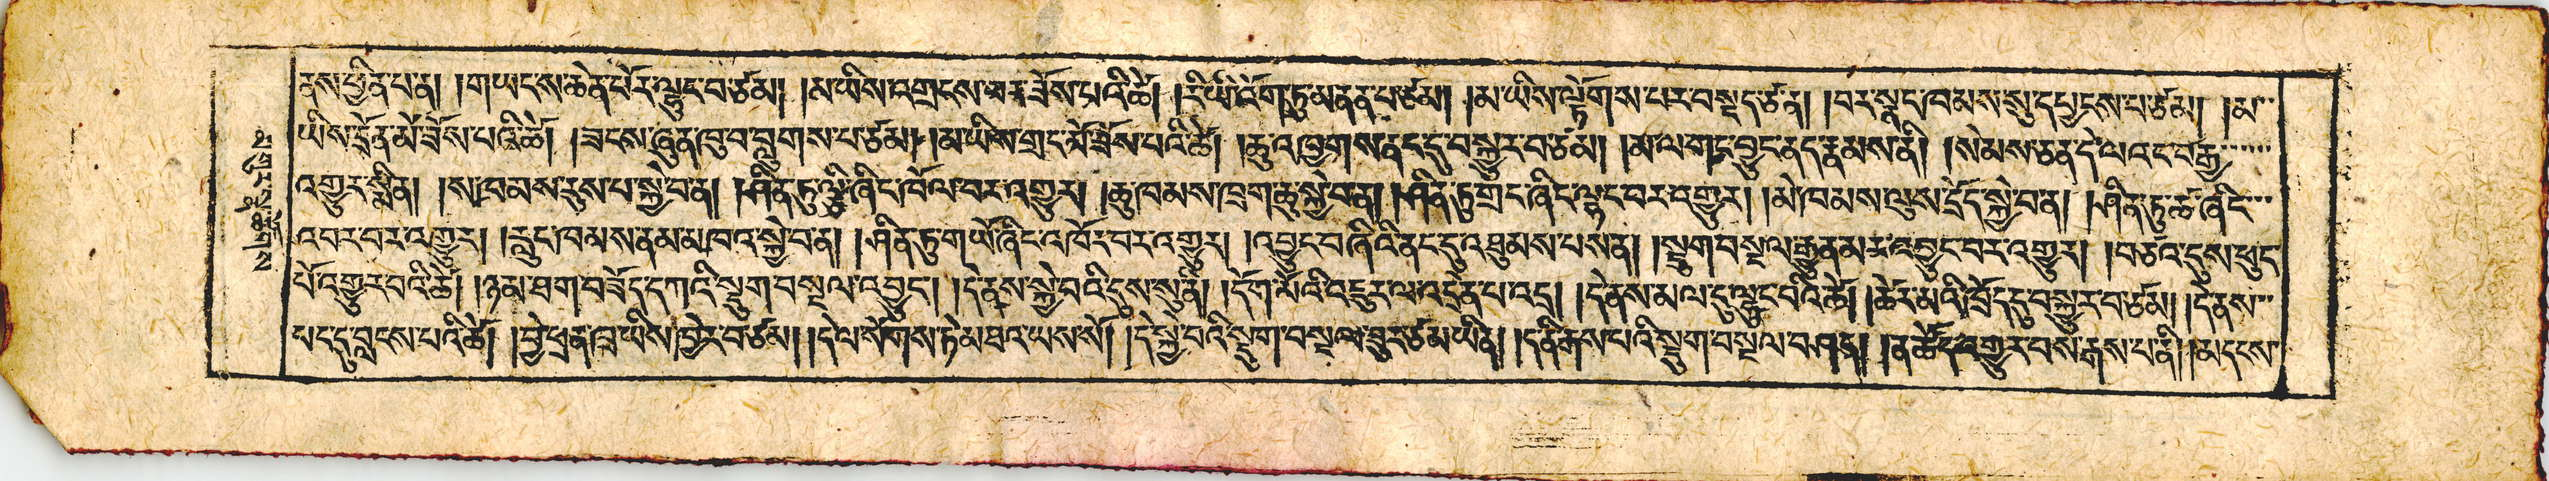ནས་ཕྱིན་པ་ན། །གཡང་ས་ཆེན་པོར་ལྷུང་བ་ཙམ། །མ་ཡིས་འགྲངས་བར་ཟོས་པའི་ཚེ། །རི་ཡི་འོག་ཏུ་མནན་པ་ཙམ། །མ་ཡིས་ལྟོགས་པར་བསྡད་ཙ་ན། །བར་སྣང་ཁམས་སུ་དཔྱངས་པ་ཙམ། །མ་
ཡིས་དྲོན་མོ་ཟོས་པའི་ཚེ། །ཟངས་ཞུན་ཁུ་བ་བླུགས་པ་ཙམ། །མ་ཡིས་གྲང་མོ་ཟོས་པའི་ཚེ། །ཆུ་འཁྱགས་ནང་དུ་བསྐྱུར་བ་ཙམ། །མ་ལ་གང་བྱུང་ནད་རྣམས་ནི། །སེམས་ཅན་དེ་ལའང་བརྒྱ་
འགྱུར་སྨིན། །ས་ཁམས་རུས་པ་སྐྱེ་བ་ན། །ཤིན་ཏུ་ལྕི་ཞིང་ཁོལ་བར་འགྱུར། །ཆུ་ཁམས་ཁྲག་ཆུ་སྐྱེ་བན། ། ཤིའི་ཏུ་གྲོང་ཞིང་ལྷང་བར་འགྱུར། །མེ་ཁམས་ལུས་དྲོད་སྐྱེ་བན། ། ཤིན་ཏུ་ཆ་ཞིང་
འབར་བར་འགྱུར། །རླུང་ཁམས་ནམ་མཁའ་སྐྱེ་བན། །ཤིན་ཏུ་ག་ཡེཞིང་འཁོར་བར་འགྱུར། །འབྱུང་བཞིའི་ནང་དུ་འཐུམས་པསན། །སྡུག་བསྔལ་རྒྱུན་མར་འབྱུང་བར་འགྱུར། །བཙའ་དུས་ཕུང་
པོ་འགྱུར་བའི་ཚེ། །ཉམ་ཐག་བཟོད་དཀའི་སྡུག་བསྔལ་འབྱུང་། །དེ་ནས་སྐྱེ་བའི་དུས་སུ་ནི། །དོག་མོའི་འཇུར་ལ་འདྲེན་པ་འདྲ། །དེ་ནས་མལ་དུ་ལྷུང་བའི་ཚེ། །ཚེར་མའི་ཁྲོད་དུ་བསྐྱུར་བ་ཙམ། །དེ་ནས་
པང་དུ་བླངས་པའིཚེ། །བྱེ་ཕྲན་ཁ་ཡིས་ཁྱེར་བ་ཙམ། །དེ་ལ་སོགས་ཏེ་མཐའ་ཡས་སོ། །དེ་སྐྱེ་བའི་སྡུག་བསྔལ་ཟུར་ཙམ་ཡིན། །ད་ནི་རྒས་པའི་སྡུག་བསྔལ་བཤན། །ན་ཚོད་འགྱུར་བས་རྒས་པ་ནི། །མདངས་